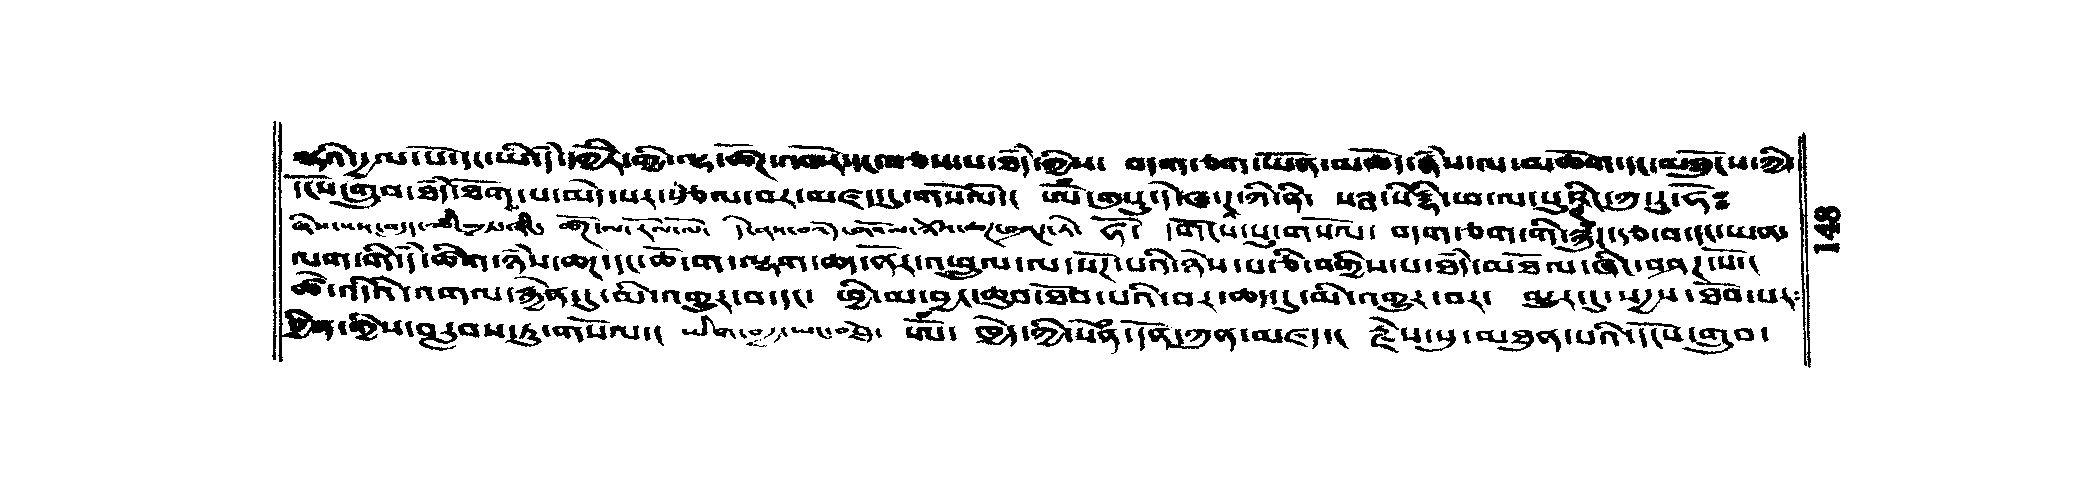ལྷའི་རྒྱལ་པོ་ཡི་དམ་དཀྱིལ་འཁོར་གྱི་ལྷ་ཚོགས་འཁོར་དང་བཅས་པ་ཐམས་ཅད་ཀྱིས། བདག་ཅག་ཡོན་མཆོད་རྣམས་ལ་མཆོག་ཐུན་མོངས་ཀྱི་
དངོས་གྲུབ་ཐམས་ཅད་ཐོག་པ་མེད་པར་སྩལ་བར་མཛད་དུ་གསོལ། ཨོྃ་གུ་རུ་དེ་ཝ་ཌཱ་ཀི་ནི། སརྦ་སིདྡྷི་ཕ་ལ་པུཥྚིང་ཀུ་རུ་ཧོཿ 
ཞེས་པས་བདུད་རྩི་མྱང་ཞིང་། ཚོགས་ལ་རོལ་ལོ། དེ་ནས་བཟོད་གསོལ་ཉམས་ཆགས་བཤགས་ཏེ། ཧོ། དགོངས་སུ་གསོལ། བདག་ཅག་གི་སྐུ་གསུང་ཐུགས་རྩ་བ་ཡན་
ལག་གི་དམ་ཚིག་ཉམས་ཆགས་དང་ཆོ་ག་ལྷག་ཆད་ནོར་འཁྲུལ་ལ་སོགས་པའི་ཉེས་པ་ཅི་མགྱིད་པ་ཐམས་ཅད་མཐོལ་ཞིང་བཤགས་སོ། 
ཚེ་འདིའི་འགལ་རྐྱེན་དུ་མི་འགྱུར་བ་དང་། ཕྱི་མ་བྱང་ཆུབ་ཐོབ་པའི་བར་ཆད་དུ་མི་འགྱུར་བར། མྱུར་དུ་སངས་རྒྱས་ཐོབ་པར་
བྱིན་གྱིས་བརླབས་དུ་གསོལ། ཡིག་བརྒྱ་ཡང་བརྗོད། ཨོྃ། ཁྱེད་ཀྱི་སེམས་ཅན་དོན་ཀུན་མཛད། །རྗེས་སུ་མཐུན་པའི་དངོས་གྲུབ་